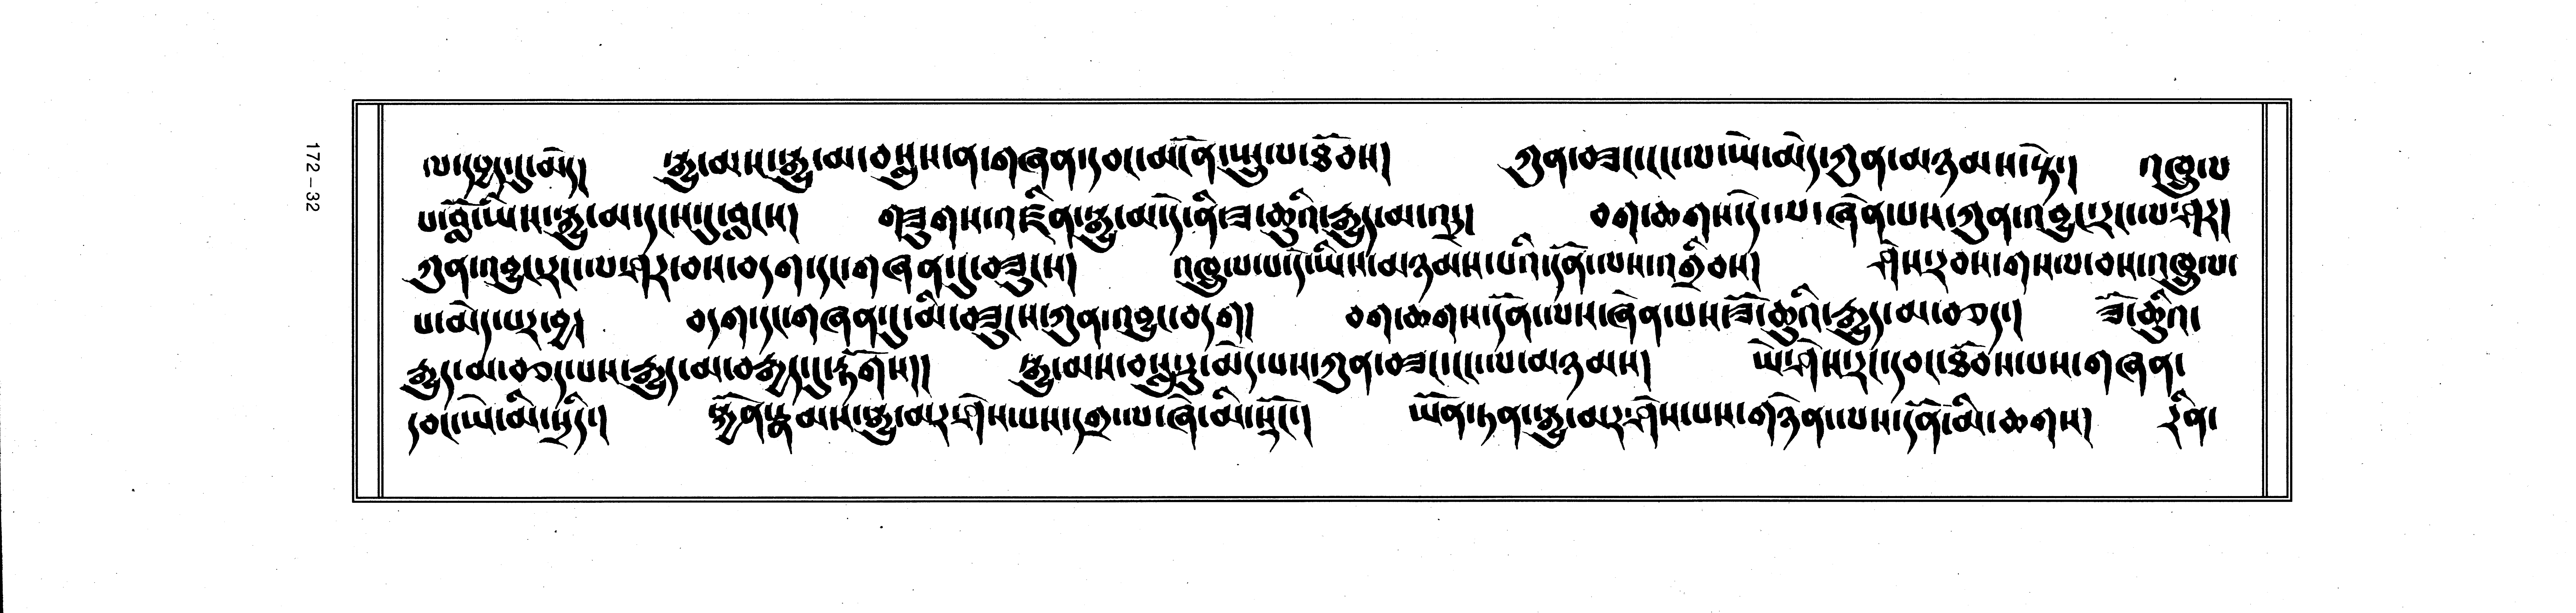ལ་དཔྱད་དུ་མེད། སྒྱུ་མས་སྒྱུ་མ་བསླུས་ན་གཞན་དབང་མངོན་སྤྲུལ་ཐོབས། ཀུན་བཟང་ངང་ལ་ཡེ་མེད་ཀུན་མཉམས་སྟེ། འཁྲུལ་
པ་བློ་ཡིས་སྒྱུ་མ་དངས་དུ་བླངས། གཟུགས་འཛིན་སྒྱུ་མ་དེ་ནི་ཟོ་ཆུའི་རྒྱུད་མ་འདྲ། བག་ཆགས་དེ་ལ་ཞེན་པས་ཀུན་འབྱུང་རང་ལ་ཤར། 
ཀུན་འབྱུང་རང་ལ་ཤར་བས་བདག་དང་གཞན་དུ་བཟུང་། འཁྲུལ་པ་དེ་ཡིས་མཉམས་པའི་དོན་ལས་འགྲིབས། ཤེས་རབ་གསལ་བས་འཁྲུལ་
པ་མེད་པར་བྱ། བདག་དང་གཞན་དུ་མི་བཟུངས་ཀུན་འབྱུང་བདག བག་ཆགས་དོན་ལས་ཞེན་པས་ཟོ་ཆུའི་རྒྱུད་མ་བཅད། ཟོ་ཆུའི་
རྒྱུད་མ་བཅད་པས་སྒྱུ་མ་བརྒྱད་དུ་རྟོགས། སྒྱུ་མས་བསླུ་རུ་མེད་པས་ཀུན་བཟང་ངང་ལ་མཉམས། ཡེ་ཤེས་རང་དབང་ཐོབས་པས་གཞན་
དབང་ཡེ་མི་སྲིད། སྐྱོན་རྣམས་སྒྱུ་མར་ཤེས་པས་དགྲ་ལ་ཞེ་མི་སྡང་། ཡོན་ཏན་སྒྱུ་མར་ཤེས་པས་གཉེན་ལས་དོན་མི་ཆགས། རིན་